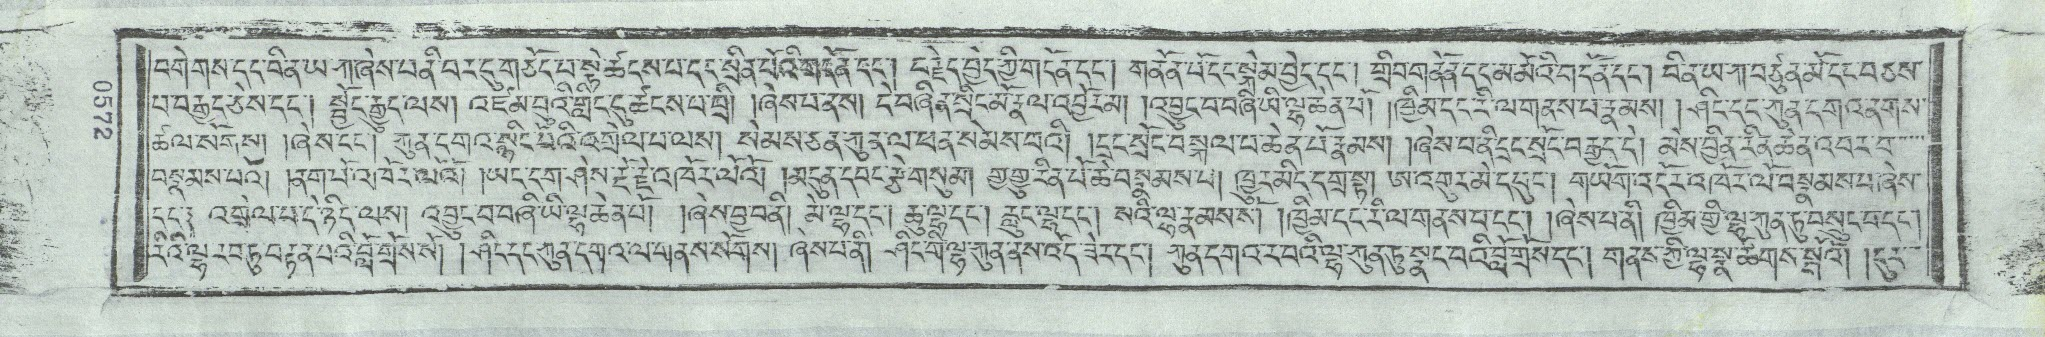བགེགས་དང་བི་ན་ཡ་ཀ་ཞེས་པ་ནི་བར་དུ་གཅོང་པ་སྟེ་ཚངས་པ་དང་སྲིན་པོའི་གདོན་དང་། བརྗེད་བྱེད་ཀྱི་གདོན་དང་། གནོན་པོ་དང་སྐེམ་བྱེད་དང་། གྲིབ་གནོན་དང་མ་མོའི་གདོན་དང་། བི་ན་ཡ་ཀ་བཙུན་མོ་དང་བཅས་
པ་བརྒྱད་ཅེས་དང་། སྦྱོང་རྒྱུད་ལས། འཛམ་བུའི་གླིང་དུ་ཚངས་པ་བྲི། །ཞེས་པ་ནས། དེ་བཞིན་སྲིང་མོ་རྣལ་འབྱོར་མ། །འབྱུང་བ་བཞེ་ཡི་ལྷ་ཆེན་པོ། །ཁྱིམ་དང་རི་ལ་གནས་པ་རྣམས། །ཤིང་དང་ཀུན་དགའ་ནགས་
ཚལ་སོགས། །ཞེས་དང་། ཀུན་དགའ་སྙིང་པོའི་འགྲེལ་པ་ལས། སེམས་ཅན་ཀུན་ལ་སེམས་པའི། །དྲང་སྲོང་བསྐལ་པ་ཆེན་པོ་རྣམས། །ཞེས་པ་ནི་དྲང་སྲོང་བརྒྱད་དེ། མེས་བྱིན་རིན་ཆེན་འབར་བ་
བསྣམས་པའོ། །ནག་པོ་འཁོར་ལོའོ། །ཡང་དག་ཤེས་རྡོ་རྗེ་འཁོར་ལོའོ། །མདུན་དབང་རྩེ་གསུམ། གྱ་གྱུ་རིན་པོ་ཆེ་བསྣམས་པ། ཁྱུར་མིད་དགྲ་སྟ། ཨ་འགུར་མེ་དཔུང་། གཡོག་འདོར་འཁོར་ལོ་བསྣམས་པ་ཞེས་
དང༑ འགྲེལ་པ་དེ་ཉིད་ལས། འབྱུང་བ་བཞི་ཡི་ལྷ་ཆེན་པོ། །ཞེས་བྱ་བ་ནི། ཞེས་བྱ་བ་ནི། མེ་ལྷ་དང་། ཆུ་ལྷ་དང་། །རླུང་ལྷ་དང་། སའི་ལྷ་རྣམས་སོ། །ཁྱིམ་དང་རི་ལ་གནས་པ་དང་། །ཞེས་པ་ནི། ཁྱིམ་གྱི་ལྷ་ཀུན་ཏུ་བསྲུང་བ་དང་།
རིའི་ལྷ་རབ་ཏུ་བརྟན་པའི་བློ་གྲོས་སོ། །ཤིང་དང་ཀུན་དགའ་ལ་གནས་སོགས། ཞེས་པ་ནི། ཤིང་གི་ལྷ་ཀུན་ནས་འོད་ཟེར་དང་། ཀུན་དགའ་ར་བའི་ལྷ་ཀུན་ཏུ་སྣང་བའི་བློ་གྲོས་དང་། གནས་ཀྱི་ལྷ་སྣ་ཚོགས་སྒོའོ། །དུར་